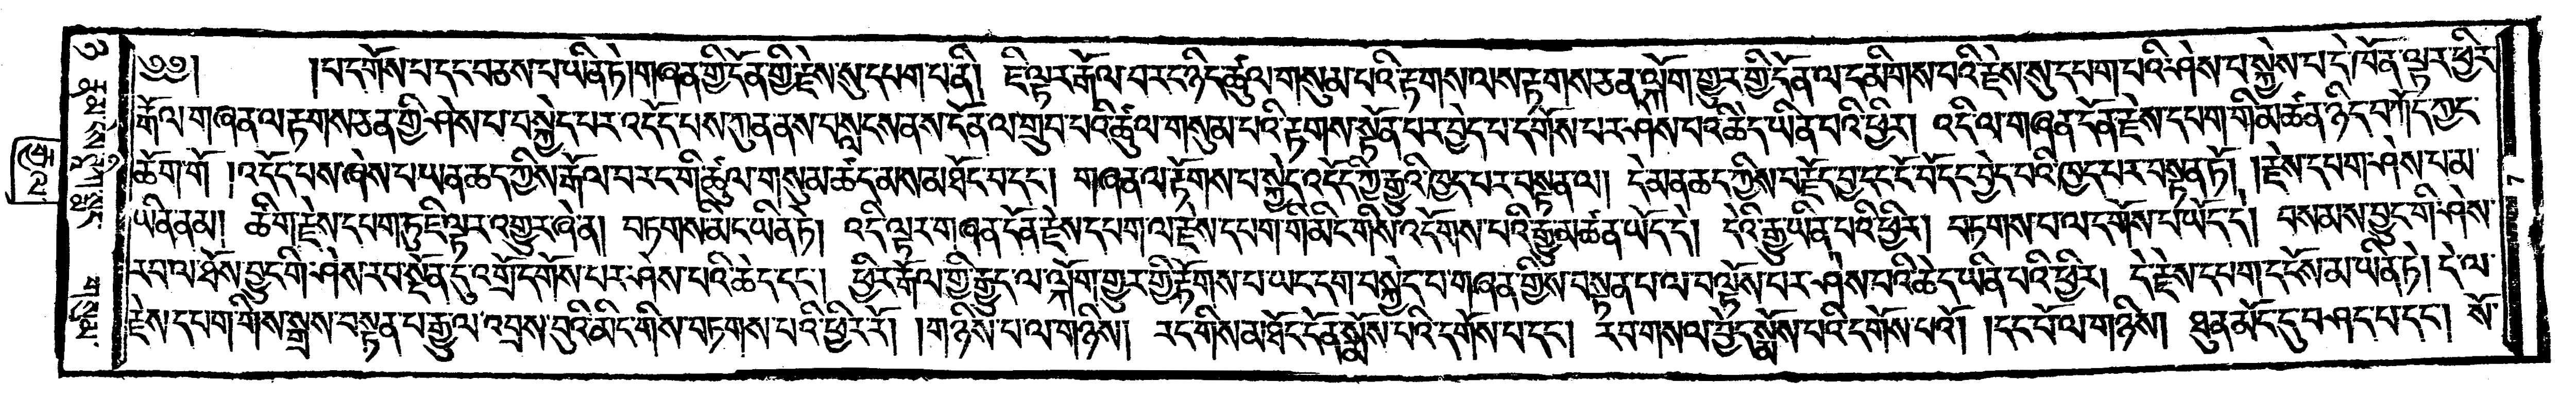༄༅། །པ་དགོས་པ་དང་བཅས་པ་ཡིན་ཏེ། གཞན་གྱི་དོན་གྱི་རྗེས་སུ་དཔག་པ་ནི། ཇི་ལྟར་རྒོལ་བ་རང་ཉིད་ཚུལ་གསུམ་པའི་རྟགས་ལས་རྟགས་ཅན་ལྐོག་གྱུར་གྱི་དོན་ལ་དམིགས་བའི་རྗེས་སུ་དཔག་པའི་ཤེས་པ་སྐྱེས་པ་དེ་ཁོ་ན་ལྟར་ཕྱིར་
རྒོལ་གཞན་ལ་རྟགས་ཅན་གྱི་ཤེས་པ་བསྐྱེད་པར་འདོད་པས་ཀུན་ནས་བསླངས་ནས་དོན་ལ་གྲུབ་པའི་ཚུལ་གསུམ་པའི་རྟགས་སྟོན་པར་བྱེད་པ་དགོས་པར་ཤེས་པའི་ཆེད་ཡིན་པའི་ཕྱིར། འདི་ལ་གཞན་དོན་རྗེས་དཔག་གི་མཚན་ཉིད་བཀོད་ཀྱང་
ཆོག་གོ །འདོད་པས་ཞེས་པ་ཡན་ཆད་ཀྱིས་རྒོལ་བ་རང་གི་ཚུལ་གསུམ་ཚད་མས་མཐོང་བ་དང་། གཞན་ལ་རྟོགས་པ་སྐྱེད་འདོད་ཀྱི་རྒྱུའི་ཁྱད་པར་བསྟན་ལ། དེ་མན་ཆད་ཀྱིས་བརྗོད་བྱ་དང་ངོ་བོ་དང་བྱེད་བའི་ཁྱད་པར་བསྟན་ཏོ། །རྗེས་དཔག་ཤེས་པ་མ་
ཡིན་ནམ། ཚིག་རྗེས་དཔག་ཏུ་ཇི་ལྟར་འགྱུར་ཞེ་ན། བཏགས་མིང་ཡིན་ཏེ། འདི་ལྟར་གཞན་དོན་རྗེས་དཔག་ལ་རྗེས་དཔག་གི་མིང་གིས་འདོགས་པའི་རྒྱུ་མཚན་ཡོད་དེ། དེའི་རྒྱུ་ཡིན་པའི་ཕྱིར། བཏགས་པ་ལ་དགོས་པ་ཡོད་དེ། བསམས་བྱུང་གི་ཤེས་
རབ་ལ་ཐོས་བྱུང་གི་ཤེས་རབ་སྔོན་དུ་འགྲོ་དགོས་པར་ཤེས་པའི་ཆེད་དང་། ཕྱིར་རྒོལ་གྱི་རྒྱུད་ལ་ལྐོག་གྱུར་གྱི་རྟོགས་པ་ཡང་དག་བསྐྱེད་པ་གཞན་གྱིས་བསྟན་པ་ལ་བལྟོས་པར་ཤེས་པའི་ཆེད་ཡིན་པའི་ཕྱིར། དེ་རྗེས་དཔག་དངོས་མ་ཡིན་ཏེ། དེ་ལ་
རྗེས་དཔག་གིས་སྒྲས་བསྟན་པ་རྒྱུ་ལ་འབྲས་བུའི་མིང་གིས་བཏགས་པའི་ཕྱིར་རོ། །གཉིས་པ་ལ་གཉིས། རང་གིས་མཐོང་དོན་སྨོས་པའི་དགོས་པ་དང་། རབ་གསལ་བྱེད་སྨོས་པའི་དགོས་པའོ། །དང་པོ་ལ་གཉིས། ཐུན་མོང་དུ་བཤད་པ་དང་། སོ་